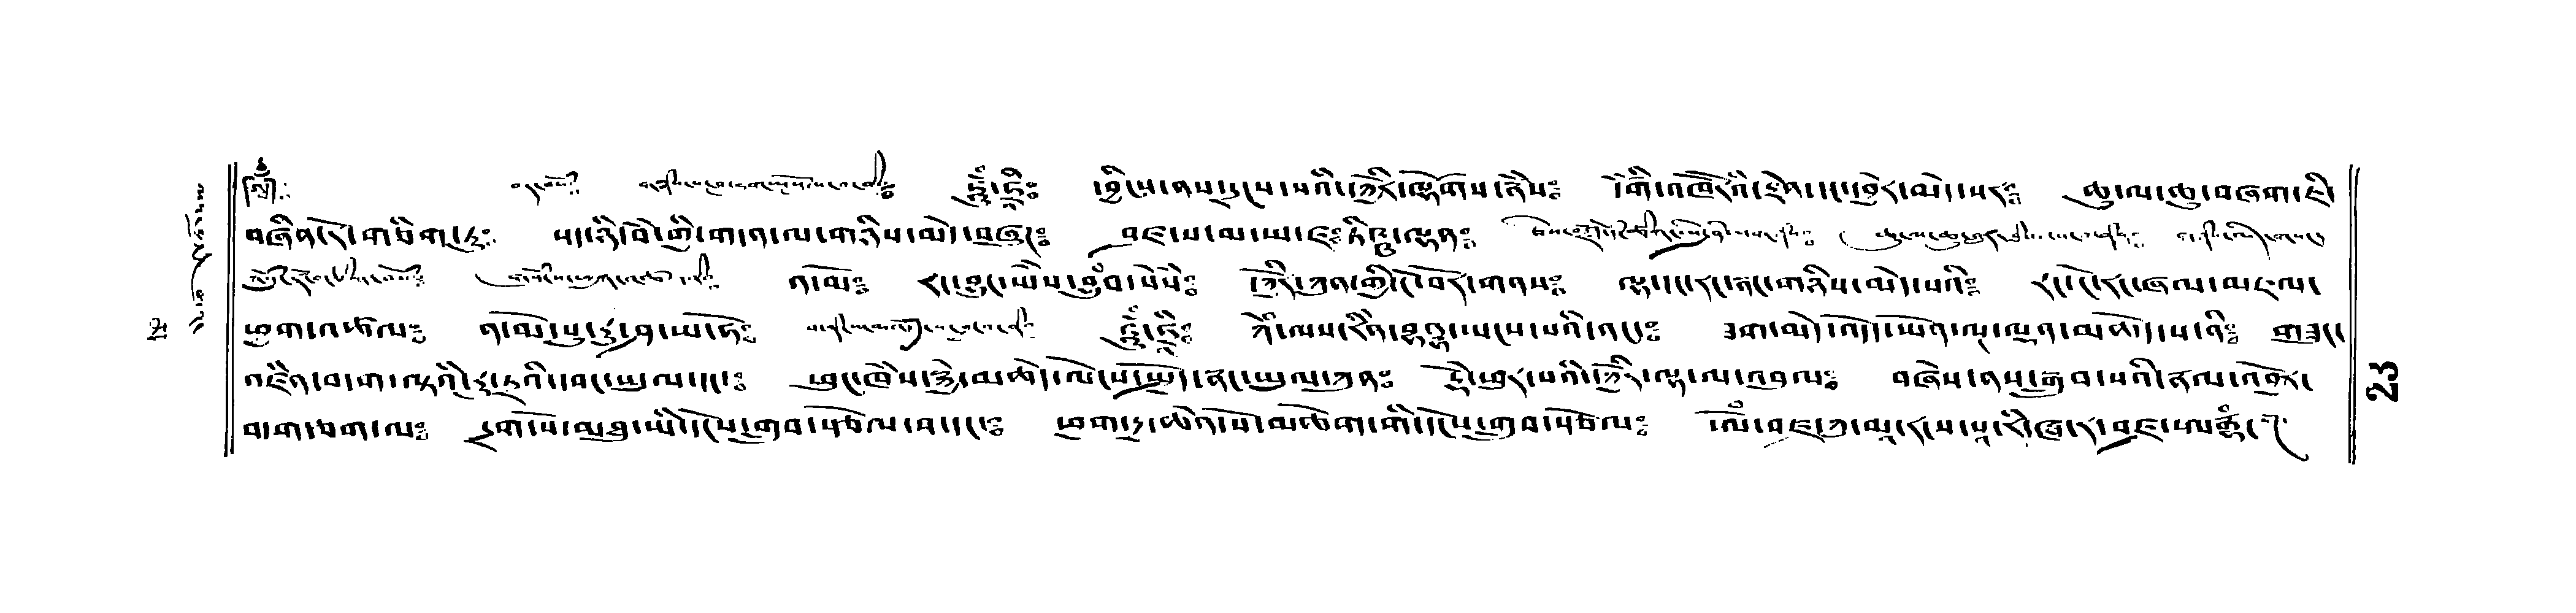བར་བསམ༔ གཉིས་པ་བཞུགས་སུ་གསོལ་བ་ནི༔ ཧཱུྃ་ཧྲཱིཿ དབྱིངས་ནས་དྲངས་པའི་དཀྱིལ་འཁོར་ལྷ་ཚོགས་རྣམསཿ དམ་ཚིག་འཁོར་ལོའི་རྟེན་དང་དབྱེར་མེད་པར༔ ཆུ་ལ་ཆུ་བཞག་ཇི་
བཞིན་རོ་གཅིག་ཏུ༔ པད་ཉི་བམ་གྱི་གདན་ལ་གཉིས་མེད་བཞུགས༔ བཛྲ་ས་མ་ཡ་ཛཿཏིཥྛ་ལྷན༔ ཅེས་བརྗོད་དམ་ཚིག་ཡེ་ཤེས་གཉིས༔ ཆུ་ལ་ཆུ་བུར་ཐིམ་པ་བཞིན༔ གཉིས་མེད་གསང་
གསུམ་རོ་གཅིག་བསམ༔ གསུམ་པ་ཕྱག་འཚལ་ནིཿ ན་མོ༔ རང་བྱུང་ཡེ་ཤེས་བྱང་ཆུབ་སེམས༔ དཀྱིལ་འཁོར་ཀུན་གྱི་ངོ་བོར་གནས༔ ལྷ་དང་རང་སྣང་གཉིས་མེད་པའི༔ རང་ངོ་རང་ཞལ་མཇལ་
ཕྱག་འཚལ༔ ན་མོ་པུ་རུ་ཤ་ཡ་ཧོཿ བཞི་པ་མཆོད་པ་བྱ་བ་ནི༔ ཧཱུྃ་ཧྲཱིཿ ཀེཾ་ལས་རིན་ཆེན་བྷནྡྷ་ཡངས་པའི་ནང༔ ཟག་མེད་འདོད་ཡོན་ལྔ་ལྡན་མཆོད་པ་ནི༔ གཟུང་
འཛིན་བདག་ལྟའི་རུ་ཏྲའི་དབང་ཡུལ་དང༔ ཕུང་ཁམས་སྐྱེ་མཆེད་ལོངས་སྤྱོད་སྣང་ཡུལ་ཀུན༔ རྡོ་རྗེ་ཕུར་པའི་དཀྱིལ་འཁོར་ལྷ་ལ་འབུལ༔ བཞེས་ནས་སྒྲུབ་པའི་རྣལ་འབྱོར་
བདག་ཅག་ལ༔ དྲག་པོ་མཐུ་ཡི་དངོས་གྲུབ་སྩོལ་བ་དང༔ ཕྱག་རྒྱ་ཆེན་པོ་མཆོག་གི་དངོས་གྲུབ་སྩོལ༔ ཨོཾ་བཛྲ་ཀུ་མཱ་ར་ས་པཱ་རི་ཝ་ར་བཛྲ་ཨརྒྷཾ་སོགས་